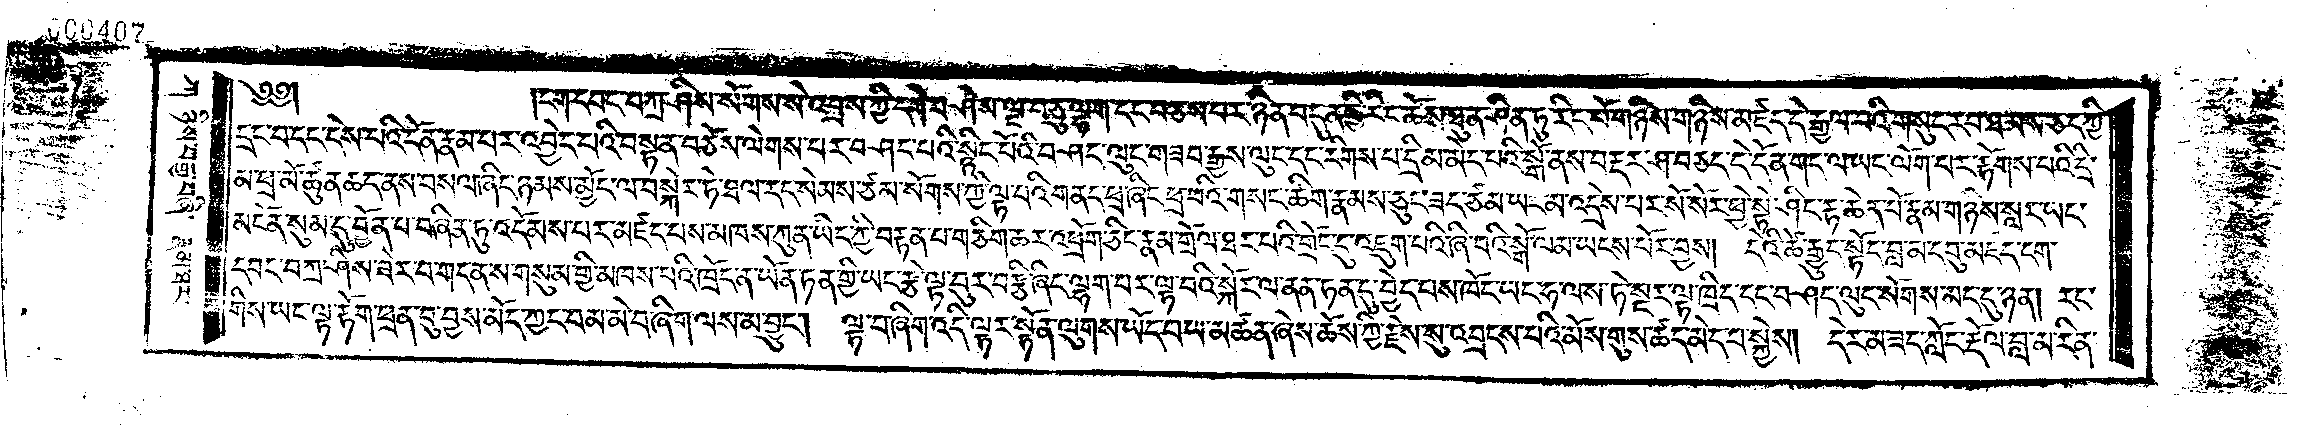༄༅། །ངག་དབང་བཀྲ་ཤིས་སོགས་སེ་འབྲས་ཀྱི་དགེ་བཤེས་ལྔ་བཅུ་ལྷག་དང་བཅས་པར་ཉིན་བདུན་གྱི་རིང་ཆོས་ཐུན་ཤིན་ཏུ་རིང་པོ་གཉིས་གཉིས་མཛད་དེ་རྒྱལ་བའི་གསུང་རབ་ཐམས་ཅད་ཀྱི་
དྲང་པ་དང་དེས་པའི་དོན་རྣམ་པར་འབྱེད་པའི་བསྟན་བཅོས་ལེགས་པར་བཤང་པའི་སྙིང་པོའི་བཤད་ལུང་གཟབ་རྒྱས་ལུང་དང་རིགས་པ་དྲི་མ་མེད་པའི་སྒོ་ནས་བརྡར་ཤ་བཅད་དེ་དོན་གང་ལ་ཡང་ལོག་པར་རྟོགས་པའི་དྲི་
མ་ཕྲ་མོ་ཚུན་ཆད་ནས་བསལ་ཞིང་ཉམས་མྱོང་ལ་བསྐོར་ཏེ་ཐལ་རང་སེམས་ཙམ་སོགས་ཀྱི་ལྟ་བའི་གནད་ཕྲ་ཞིང་ཕྲ་བའི་གསང་ཚིག་རྣམས་ཅུང་ཟད་ཙམ་ཡང་མ་འདྲེས་པར་སོ་སོར་ཕྱེ་སྟེ་ཤིང་རྟ་ཆེན་པོ་རྣམ་གཉིས་སླར་ཡང་
མངོན་སུམ་དུ་བྱོན་པ་བཞིན་ཏུ་འདོམས་པར་མཛད་པས་མཁས་ཀུན་ཡིད་ཀྱི་བརྟན་པ་གཅིག་ཆར་འཕྲོག་ཅིང་རྣམ་གྲོལ་ཐར་པའི་གྲོང་དུ་འཇུག་པའི་ཞི་བའི་སྒོ་ལམ་ཡངས་པོར་བྱས། དེའི་ཚེ་རྒྱུད་སྟོང་བླ་མ་དབུ་མཛད་དག་
དབང་བཀྲ་ཤིས་ཟེར་བ་གདན་ས་གསུམ་གྱི་མཁས་པའི་ཁྲོད་ན་ཡོན་ཏན་གྱི་ཡང་རྩེ་ལྟ་བུར་བརྩི་ཞིང་ལྷག་བར་ལྟ་བའི་སྐོར་ལ་ནན་ཏན་དུ་བྱེད་པས་ཁོང་ཡར་ཧ་ལས་ཏེ་སྔར་ལྟ་ཁྲིད་དང་བཤད་ལུང་སོགས་མང་དུ་ཉན། རང་
གིས་ཡང་ལྟ་རྟོག་ཕྲན་བུ་བྱས་མོད་ཀྱང་བམ་མེ་བ་ཞིག་ལས་མ་བྱུང་། ལྟ་བ་ཞིག་འདི་ལྟར་སྟོན་ལུགས་ཡོད་པ་ཡ་མཚན་ཞེས་ཆོས་ཀྱི་རྗེས་སུ་འབྲངས་པའི་མོས་གུས་ཚད་མེད་པ་སྐྱེས། དེར་མ་ཟད་ཀློང་རྡོལ་བླ་མ་རིན་